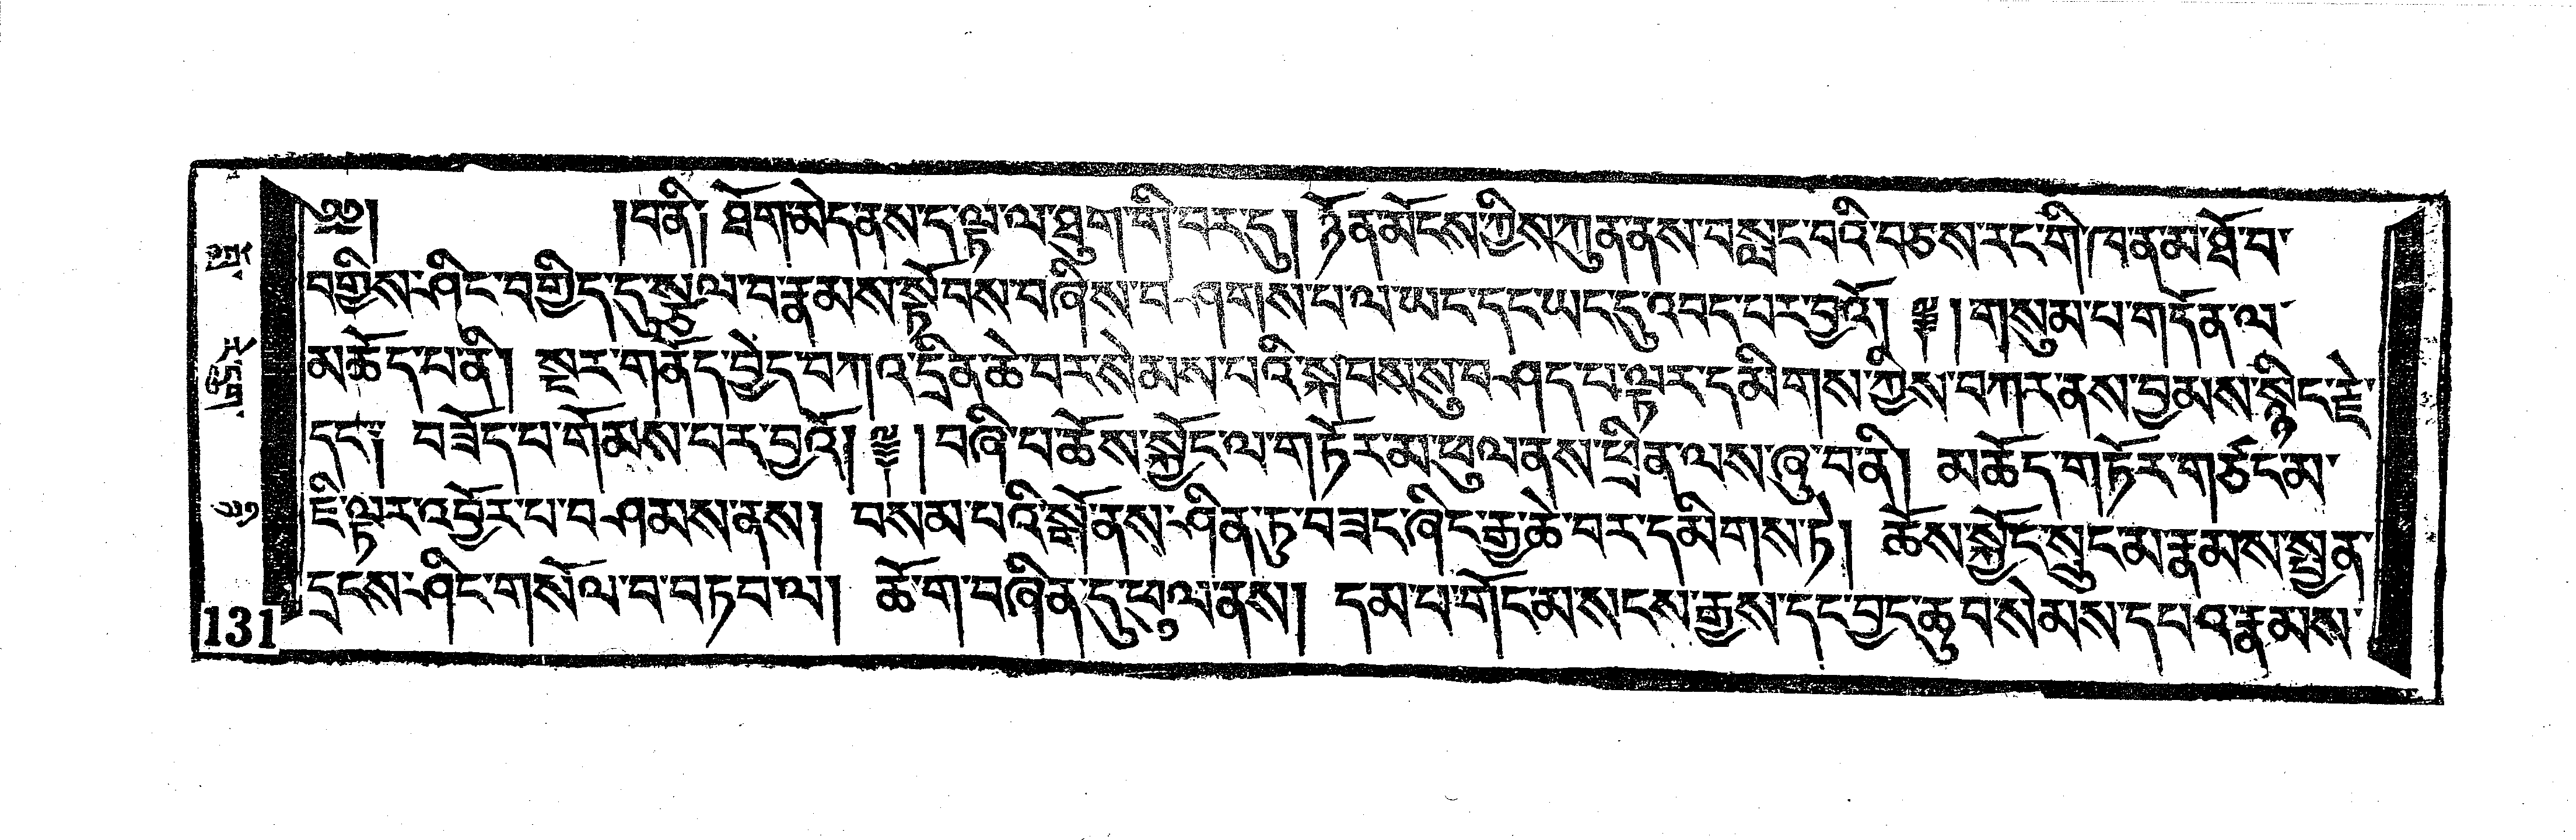༄༅། །པ་ནི། ཐོག་མེད་ནས་ད་ལྟ་ལ་ཐུག་གི་བར་དུ། ཉོན་མོངས་ཀྱིས་ཀུན་ནས་བསླང་བའི་བཅས་རང་གི་ཁ་ན་མ་ཐོ་བ་
བགྱིས་ཤིང་བགྱིད་དུ་སྩལ་བ་རྣམས་སྟོབས་བཞིས་བཤགས་པ་ལ་ཡང་དང་ཡང་དུ་འབད་པར་བྱའོ། ༈ །གསུམ་པ་གདོན་ལ་
མཆོད་པ་ནི། སྔར་གནོད་བྱེད་བཀའ་དྲིན་ཆེ་བར་སེམས་པའི་སྐབས་སུ་བཤད་པ་ལྟར་དམིགས་ཀྱིས་བཀར་ནས་བྱམས་སྙིང་རྗེ་
དང༑ བཟོད་པ་གོམས་པར་བྱའོ། ༈ །བཞི་པ་ཆོས་སྐྱོང་ལ་གཏོར་མ་ཕུལ་ནས་ཕྲིན་ལས་ཞུ་བ་ནི། མཆོད་གཏོར་གཙང་མ་
ཇི་ལྟར་འབྱོར་པ་བཤམས་ནས། བསམ་པའི་སྒོ་ནས་ཤིན་ཏུ་བཟང་ཞིང་རྒྱ་ཆེ་བར་དམིགས་ཏེ། ཆོས་སྐྱོང་སྲུང་མ་རྣམས་སྤྱན་
དྲངས་ཤིང་གསོལ་བ་བཏབ་ལ། ཆོ་ག་བཞིན་དུ་ཕུལ་ནས། དམ་པ་གོང་མ་སངས་རྒྱས་དང་བྱང་ཆུབ་སེམས་དཔའ་རྣམས་